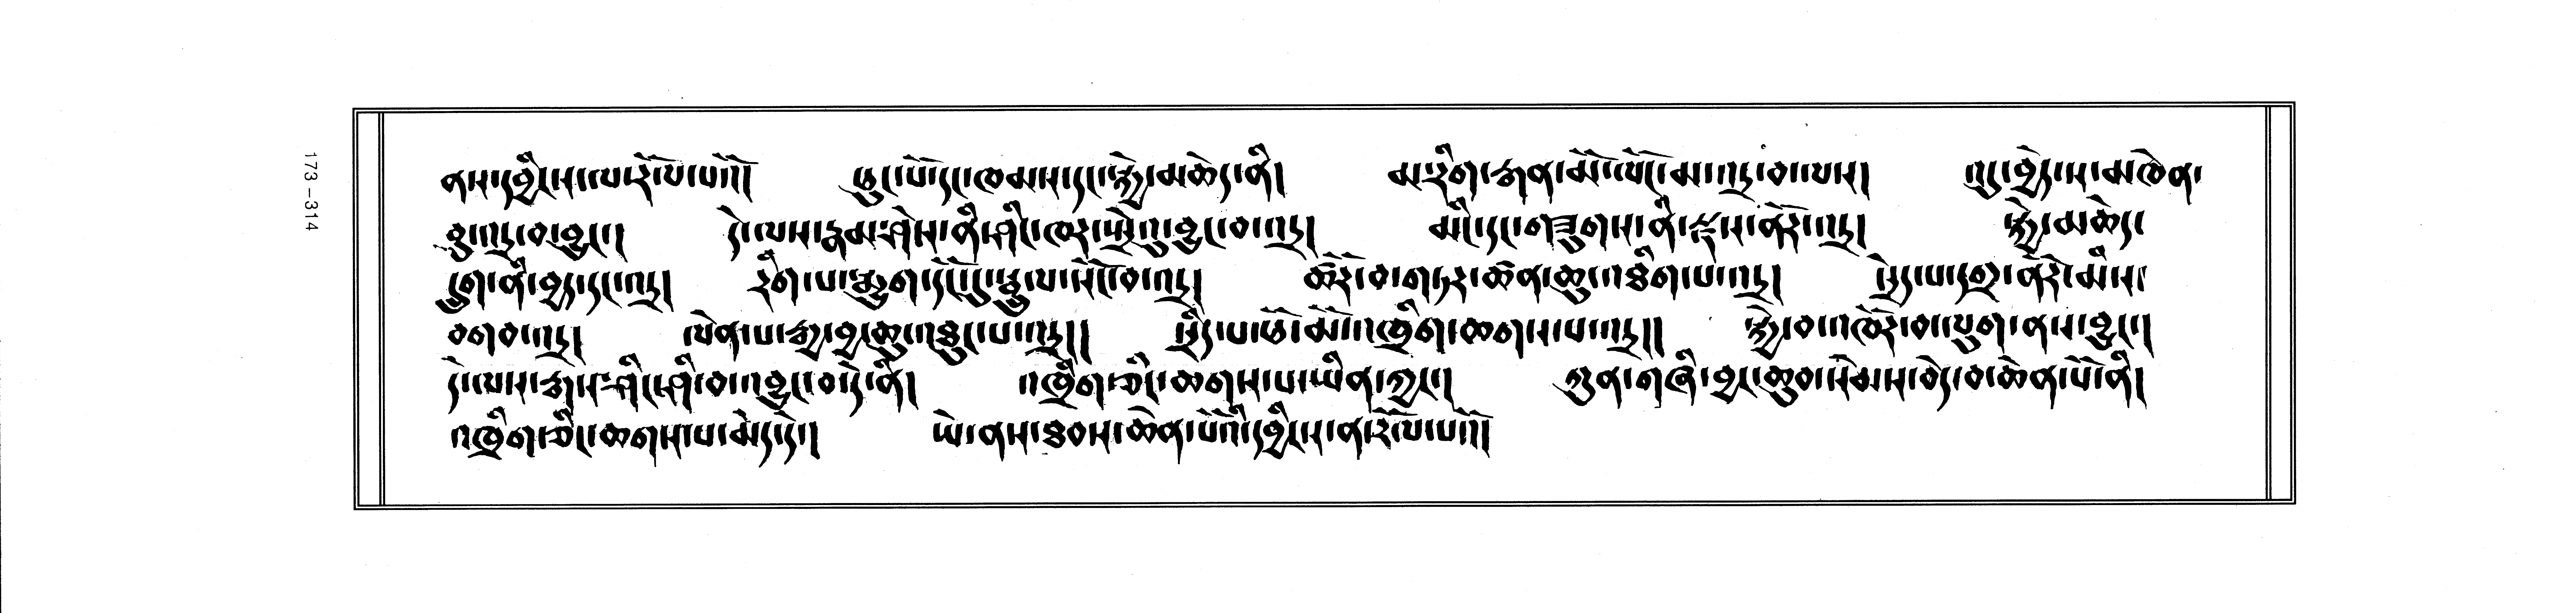ནས་དབྱིངས་ལ་རོལ་པའོ། །ཕུང་པོ་དང་ཁམས་དང་སྐྱེ་མཆེད་ནི། མ་རིག་རྒན་མོ་ལོང་མ་འདྲ་བ་ལས། འདུ་བྱེད་ས་མཁན་
བུ་འདྲ་བ་བྱུང་། དེ་ལས་རྣམ་ཤེས་ནི་ཤིང་ཁར་སྤྲེའུ་བྱུང་བ་འདྲ། མིང་དང་གཟུགས་ནི་རྫས་ནོར་འདྲ། སྐྱེ་མཆེད་
དྲུག་ནི་བྱད་དང་འདྲ། རིག་པ་སྦྲུལ་དོང་སྙུག་དོང་སྦྲུལ་སོང་འདྲ། ཚོར་བ་གཏར་ཚན་ཆུ་ཐིགས་འདྲ། སྲེད་པ་དགྲ་ནོར་མིས་
བགབ་འདྲ། ལེན་པ་རྒྱ་བྱ་ཆུ་འཐུང་འདྲ། སྲིད་པ་ཕོ་མོའི་འཁྲིག་ཆགས་འདྲ། སྐྱེ་བ་འཁོར་བ་ལུག་ནས་འབྱུང་། 
དེ་ལས་རྒས་ཤིང་ཤི་བ་འབྱུང་བ་དེ་ནི། འཁྲིག་ཅིང་ཆགས་པ་ཡིན་ཀྱང་། ཀུན་གཞི་བྱང་ཆུབ་སེམས་བདེ་བ་ཆེན་པོ་ནི། 
འཁྲིག་ཅིང་ཆགས་པ་མེད་དེ། ཡེ་ནས་ཐབས་ཆེན་པོའི་དབྱིངས་ལ་རོལ་པའོ། །